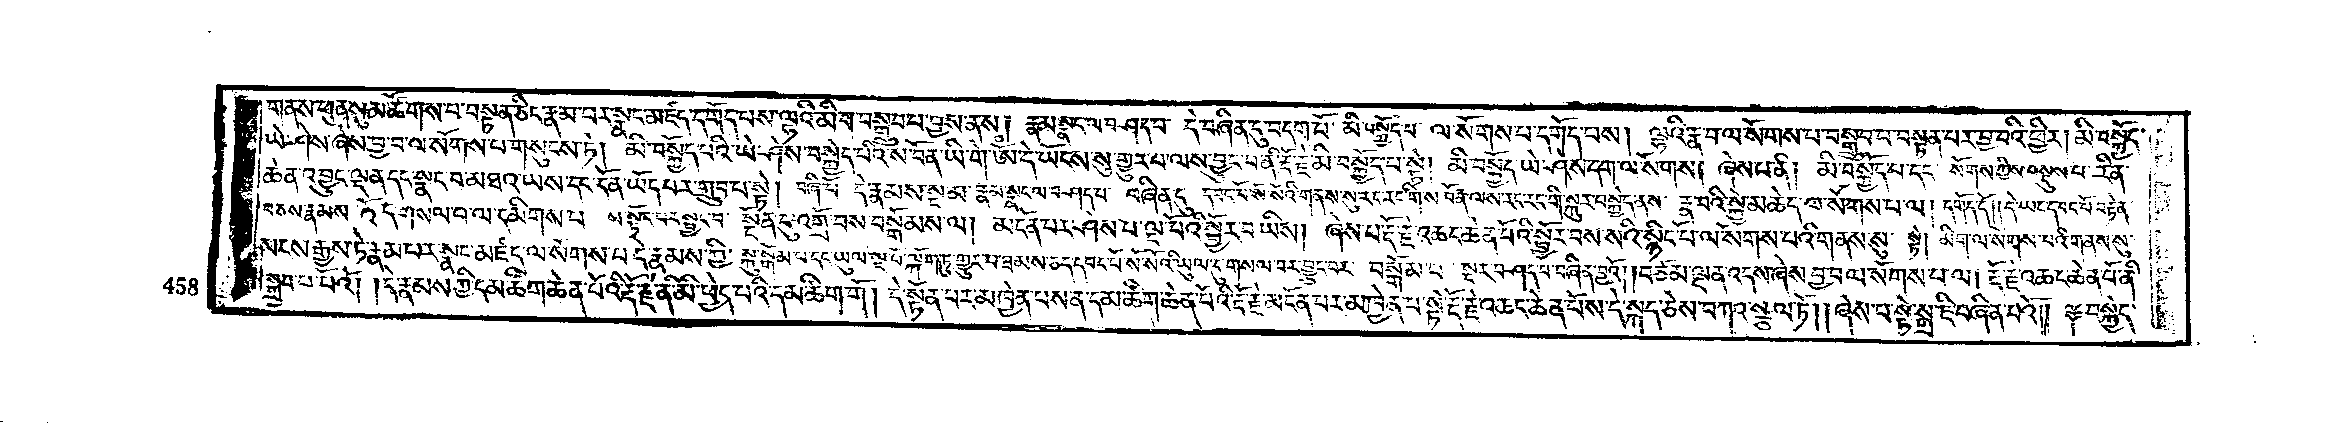གནས་ཕུན་སུམ་ཚོགས་པ་བསྟན་ཅིང་རྣམ་པར་སྣང་མཛད་དགོད་པས་ལྷའི་མིག་བསྒྲུབ་པ་བྱས་ནས། རྣམ་སྣང་ལ་བཤད་པ་དེ་བཞིན་དུ་བདག་པོ་མི་བསྐྱོད་པ་ལ་སོགས་པ་དགོད་པས། ལྷའི་རྣ་བ་ལ་སོགས་པ་བསྒྲུབ་པ་བསྟན་པར་བྱ་བའི་ཕྱིར། མི་བསྐྱོད་
ཡེ་ཤེས་ཞེས་བྱ་བ་ལ་སོགས་པ་གསུངས་ཏེ། མི་བསྐྱོད་པའི་ཡེ་ཤེས་བསྐྱེད་པའི་ས་བོན་ཡི་གེ་ཨོཾ་དེ་ཡོངས་སུ་གྱུར་པ་ལས་བྱུང་བ་ནི་རྡོ་རྗེ་མི་བསྐྱོད་པ་སྟེ། མི་བསྐྱོད་ཡེ་ཤེས་དག་ལ་སོགས། ཞེས་པ་ནི། མི་བསྐྱོད་པ་དང་སོགས་ཀྱིས་བསྡུས་པ་རིན་
ཆེན་འབྱུང་ལྡན་དང་སྣང་བ་མཐའ་ཡས་དང་དོན་ཡོད་པར་གྲུབ་པ་སྟེ། བཞི་པོ་དེ་རྣམས་སྔ་མ་རྣམ་སྣང་ལ་བཤད་པ་བཞིན་དུ་དབང་པོ་སོ་སོའི་གནས་སུ་རང་རང་གི་ས་བོན་ལས་རང་རང་གི་སྐུར་བསྐྱེད་ནས་རྣ་བའི་སྐྱེ་མཆེད་ལ་སོགས་པ་ལ། དགོད་དོ། །དེ་ཡང་དབང་པོ་བརྟེན་
བཅས་རྣམས་འོད་གསལ་བ་ལ་དམིགས་པས་སྟོང་པར་སྦྱང་བ་སྔོན་དུ་འགྲོ་བས་བསྒོམས་ལ། མངོན་པར་ཤེས་པ་ལྔ་པོའི་སྦྱོར་བ་ཡིས། ཞེས་པ་རྡོ་རྗེ་འཆང་ཆེན་པོའི་སྦྱོར་བས་སའི་སྙིང་པོ་ལ་སོགས་པའི་གནས་སུ་སྟེ། མིག་ལ་སོགས་པའི་གནས་སུ་
སངས་རྒྱས་ཏེ་རྣམ་པར་སྣང་མཛད་ལ་སོགས་པ་དེ་རྣམས་ཀྱི་སྐུ་སྒོམ་པ་དང་ཡུལ་ལྔ་པོ་ལྐོག་ཏུ་གྱུར་པ་ཐམས་ཅད་དབང་པོ་སོ་སོའི་ཡུལ་དུ་གསལ་བར་བྱུང་བར་བསྒོམ་པ་སྔར་བཤད་པ་བཞིན་བྱའོ། །བཅོམ་ལྡན་འདས་ཞེས་བྱ་བ་ལ་སོགས་པ་ལ། རྡོ་རྗེ་འཆང་ཆེན་པོ་ནི་
སྒྲུབ་པ་པོའོ། །དེ་རྣམས་ཀྱི་དམ་ཚིག་ཆེན་པོའི་རྡོ་རྗེ་ནི་མི་ཕྱེད་པའི་དམ་ཚིག་གོ །དེ་སྟོན་པར་མཁྱེན་པས་ན་དམ་ཚིག་ཆེན་པོའི་རྡོ་རྗེ་མངོན་པར་མཁྱེན་པ་སྟེ་རྡོ་རྗེ་འཆང་ཆེན་པོས་དེ་སྐད་ཅེས་བཀའ་སྩལ་ཏོ། །ཞེས་པ་སྟེ་སྒྲ་ཇི་བཞིན་པའོ།། ༈ བསྐྱེད་